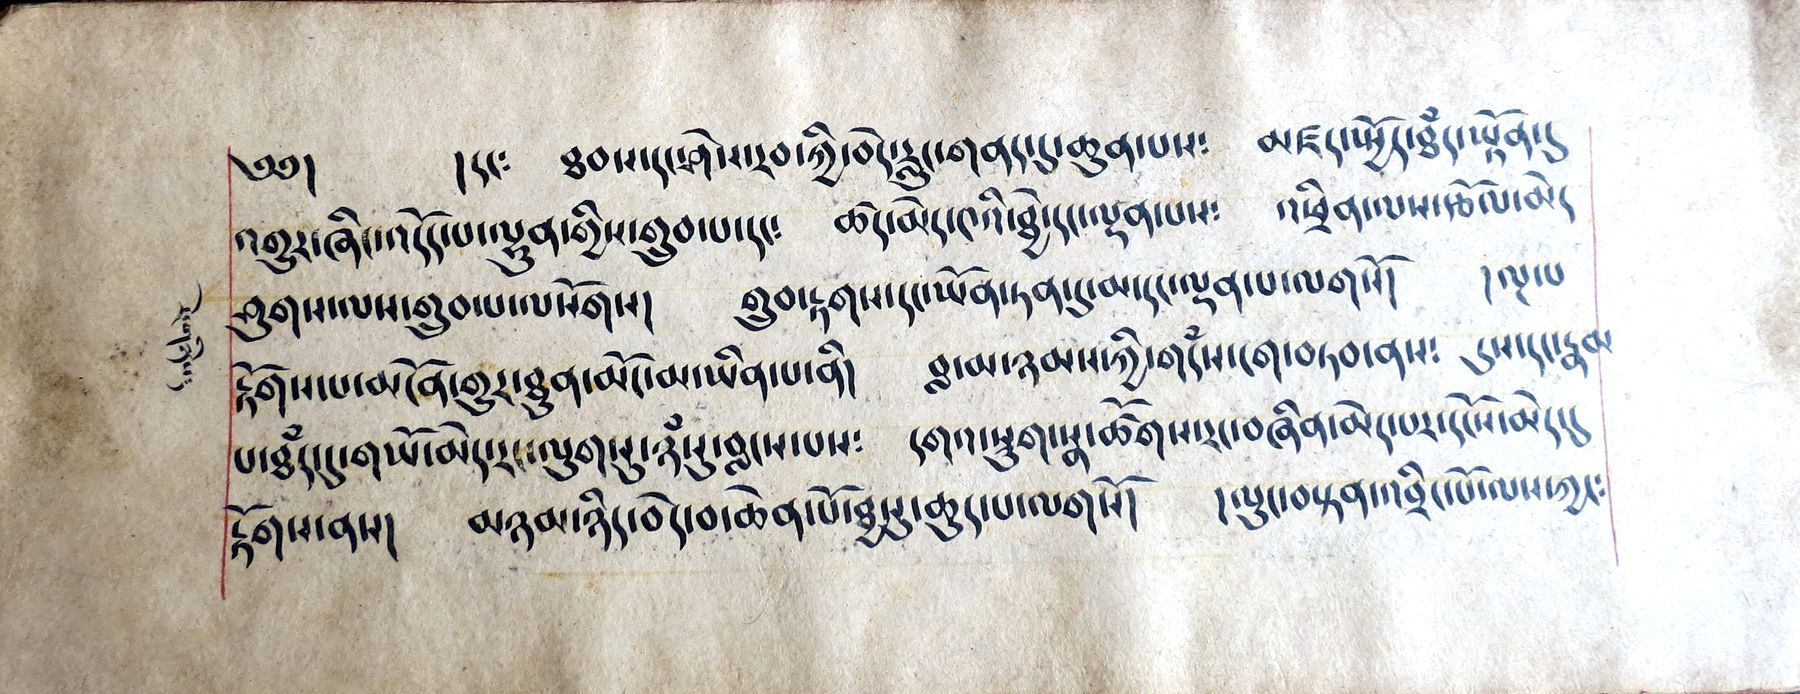དང་། ཐབས་དང་ཤེས་རབ་ཀྱི་བདེ་རླུང་གནད་དུ་ཆུད་པས། མཛད་སྤྱོད་ཐམས་ཅད་ཡོན་ཏན་དུ་
གྱུར་ཞིང་འདོད་པ་ལྷུན་གྱིས་གྲུབ་པ་དང་། ཚད་མེད་བཞིའི་ཐུགས་རྗེ་དང་ལྡན་པས། ཕྲིན་ལས་རྩལ་མེད་
ཤུགས་ལས་གྲུབ་པ་ལ་སོགས། གྲུབ་རྟགས་དང་ཡོན་ཏན་དུ་མ་དང་ལྡན་པ་ལགས་སོ། །ལྔ་པ་
རྟོགས་པ་མངོན་གྱུར་ཐུན་མོང་མ་ཡིན་པ་ནི། བླ་མས་ཉམས་ཀྱི་གདམས་ངག་བཏབ་ནས། དུས་དང་རྣམ་
པ་ཐམས་ཅད་དུ། གཡོ་མེད་རང་ལུགས་སུ་ཉམས་སུ་བླངས་པས། དགའ་སྡུག་སྣ་ཚོགས་རང་བཞིན་མེད་པར་དངོས་མེད་དུ་
རྟོགས་ནས། མཉམ་ཉིད་བདེ་བ་ཆེན་པོའི་དོན་ཐུགས་སུ་ཆུད་པ་ལགས་སོ། །ལུང་བསྟན་འབྲིང་པོ་ལས་ཀྱང་།